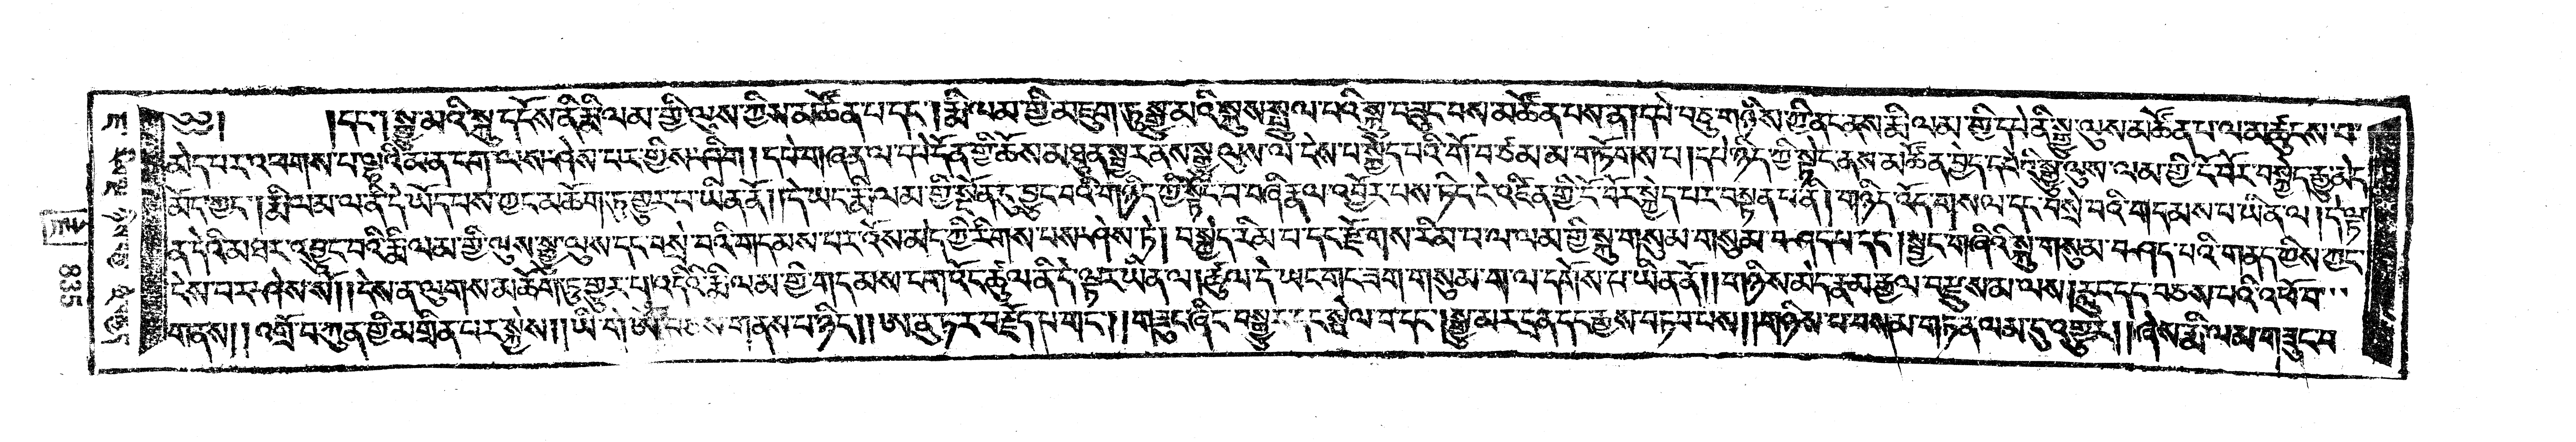༄༅། །དང༑ སྒྱུ་མའི་སྐུ་དངོས་ནི་རྨི་ལམ་གྱི་ལུས་ཀྱིས་མཚོན་པ་དང་། རྨི་ལམ་གྱི་མཇུག་ཏུ་སྒྱུ་མའི་སྐུས་སྤྲུལ་པའི་སྐུ་བཟུང་བས་མཚོན་པས་ན། དཔེ་བཅུ་གཉིས་ཀྱི་ནང་ནས་རྨི་ལམ་གྱི་དཔེ་ནི་སྒྱུ་ལུས་མཚོན་པ་ལ་མཚུངས་པ་
མེད་པར་འཕགས་པ་ལྷའི་མན་ངག་ལས་ཤེས་པར་གྱིས་ཤིག །དཔེ་གཞན་ལ་དཔེ་དོན་གྱི་ཆོས་མཐུན་སྦྱར་ནས་སྒྱུ་ལུས་ལ་ངེས་པ་སྐྱེད་པའི་གོ་བ་ཙམ་མ་གཏོགས་པ། དཔེ་ཉིད་ཀྱི་སྟེང་ནས་མཚོན་བྱེད་དཔེའི་སྒྱུ་ལུས་ལམ་གྱི་ངོ་བོར་བསྐྱེད་རྒྱུ་མེད་
མོད་ཀྱང་། རྨི་ལམ་ལ་ནི་དེ་ཡོད་པས་ཀྱང་མཆོག་ཏུ་གྱུར་པ་ཡིན་ནོ། །དེ་ཡང་རྨི་ལམ་གྱི་སྔོན་དུ་བྱུང་བའི་གཉིད་ཀྱི་སྟོང་པ་བཞི་རྣལ་འབྱོར་པས་ཏིང་ངེ་འཛིན་གྱི་ངོ་བོར་སྐྱེད་པར་བསྟན་པ་ནི། གཉིད་འོད་གསལ་དང་བསྲེ་བའི་གདམས་པ་ཡིན་ལ། དེ་ལྟ་
ན་དེའི་མཐར་འབྱུང་བའི་རྨི་ལམ་གྱི་ལུས་སྒྱུ་ལུས་དང་བསྲེ་བའི་གདམས་པར་འོས་མེད་ཀྱི་རིགས་པས་ཤེས་ཏེ། བསྐྱད་རིམ་པ་དང་རྫོགས་རིམ་པ་ལ་ལམ་གྱི་སྐུ་གསུམ་གསུམ་བཤད་པ་དང་། སྦྱང་གཞིའི་སྐུ་གསུམ་བཤད་པའི་གནད་ཀྱིས་ཀྱང་
ངེས་པར་ཤེས་སོ། །དེས་ན་ལུགས་མཆོག་ཏུ་གྱུར་པ་འདིའི་རྨི་ལམ་གྱི་གདམས་ངག་འོང་ཚུལ་ནི་དེ་ལྟར་ཡིན་ལ། ཚུལ་དེ་ཡང་གང་ཟག་གསུམ་ག་ལ་དགོས་པ་ཡིན་ནོ། །གཉིས་མེད་རྣལ་རྒྱལ་བརྫུས་མ་ལས། རླུང་དང་བཅས་པའི་འཕོ་བ་
གནས། །འགྲོ་བ་ཀུན་གྱི་མགྲིན་པར་སྐྱེས། །ཡི་གེ་ཨོཾ་བཅས་གནས་པ་ཉིད། །ཨ་ནུ་ཏ་ར་བརྗོད་པ་གང་། །གཟུང་ཞིང་བསྒྱུར་དང་སྤེལ་བ་དང་། སྒྱུ་མར་དྲན་དང་རྒྱས་བཏབ་པས། །གཉིས་པ་བསམ་གཏན་ལམ་དུ་འགྱུར། །ཞེས་རྨི་ལམ་གཟུང་བ་